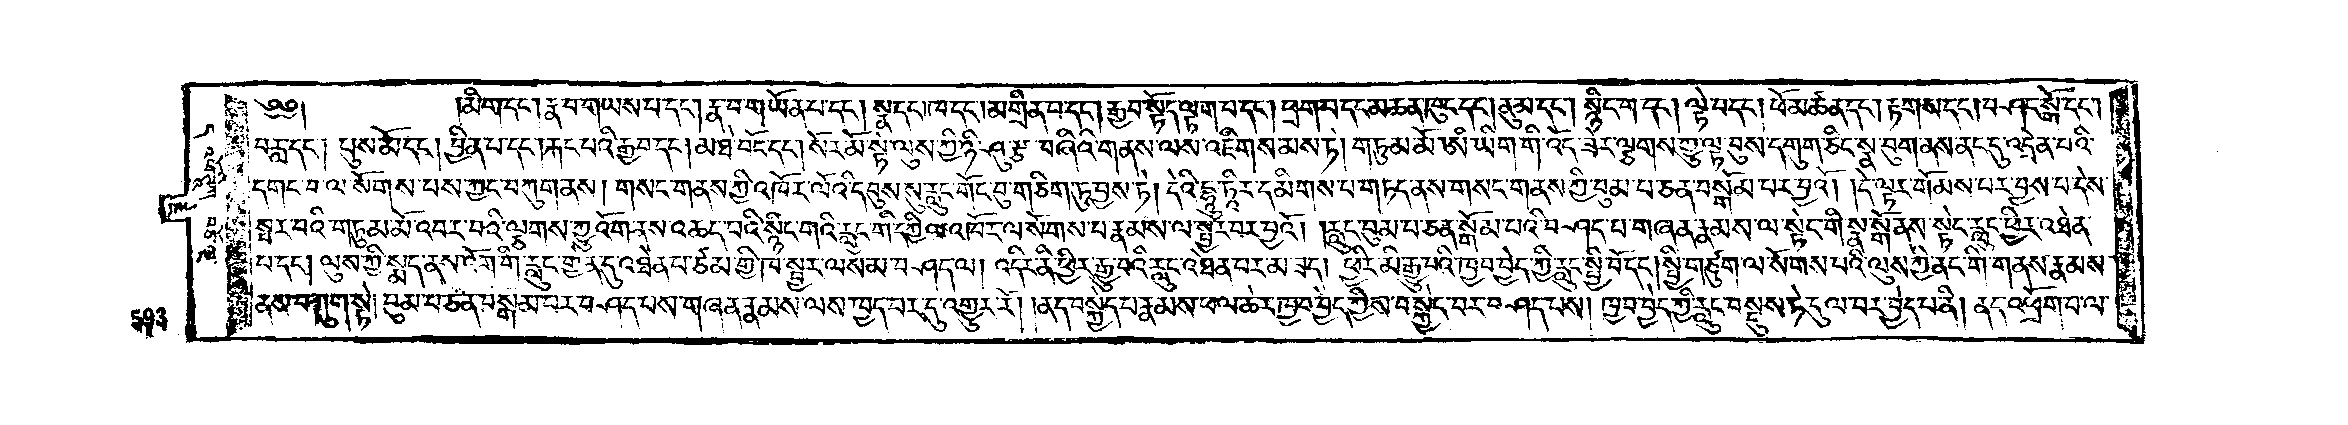༄༅། །མིག་དང་། རྣ་བ་གཡས་པ་དང་། རྣ་བ་གཡོན་པ་དང་། སྣ་དང་། ཁ་དང་། མགྲིན་པ་དང་། རྒྱབ་སྟོད་ལྟག་པ་དང་། ཕྲག་པ་དང་མཚན་ཁུང་དང་། ནུ་མ་དང་། སྙིང་ག་དང་། ལྟེ་བ་དང་། ཕོ་མཚན་དང་། རྟགས་དང་། བཤད་སྒོ་དང་།
བརླ་དང་། པུས་མོ་དང་། བྱིན་པ་དང་། རྐང་པའི་རྒྱབ་དང་། མཐེ་བོང་དང་། སོར་མོ་སྟེ་ལུས་ཀྱི་ཉི་ཤུ་རྩ་བཞིའི་གནས་ལས་འཇིགས་མས་ཏེ། གཏུམ་མོ་ཨཾ་ཡིག་གི་འོད་ཟེར་ལྕགས་ཀྱུ་ལྟ་བུས་དགུག་ཅིང་སྣ་བུག་ནས་ནང་དུ་འདྲེན་པའི་
དགང་བ་ལ་སོགས་པས་ཀྱང་བཀུག་ནས། གསང་གནས་ཀྱི་འཁོར་ལོའི་དབུས་སུ་རླུང་གོང་བུ་གཅིག་ཏུ་བྱས་ཏེ། དེའི་དྷཱུ་ཏཱིར་དམིགས་པ་གཏད་ནས་གསང་གནས་ཀྱི་བུམ་པ་ཅན་བསྒོམ་པར་བྱའོ། །དེ་ལྟར་གོམས་པར་བྱས་པ་དེས་
སྤར་བའི་གཏུམ་མོ་འབར་བའི་ལྕགས་ཀྱུ་འོག་ནས་འཆད་པའི་སྙིང་གའི་རླུང་གི་དཀྱིལ་འཁོར་ལ་སོགས་པ་རྣམས་ལ་སྦྱོར་བར་བྱའོ། །རླུང་བུམ་པ་ཅན་སྒོམ་པའི་བཤད་པ་གཞན་རྣམས་ལ་སྟེང་གི་སྣ་སྒོ་ནས་སྟེང་རླུང་ཕྱིར་འཐེན་
པ་དང་། ལུས་ཀྱི་སྨད་ནས་འོག་གི་རླུང་གྱེན་དུ་འཐེན་པ་ཙམ་གྱི་ཁ་སྦྱར་ལས་མ་བཤད་ལ། འདིར་ནི་ཕྱིར་རྒྱུ་བའི་རླུང་འཐེན་པར་མ་ཟད། ཕྱིར་མི་རྒྱུ་བའི་ཁྱབ་བྱེད་ཀྱི་རླུང་སྤྱི་བོ་དང་། སྤྱི་གཙུག་ལ་སོགས་པའི་ལུས་ཀྱི་ནང་གི་གནས་རྣམས་
ནས་བཀུག་སྟེ། བུམ་པ་ཅན་བསྒོམ་པར་བཤད་པས་གཞན་རྣམས་ལས་ཁྱད་པར་དུ་འགྱུར་རོ། །ནད་བསྐྱེད་པ་རྣམས་ཕལ་ཆེར་ཁྱབ་བྱེད་ཀྱིས་བསྐྱེད་པར་བཤད་པས། ཁྱབ་བྱེད་ཀྱི་རླུང་བསྡུས་ཏེ་དུལ་བར་བྱེད་པ་ནི། ནད་འཕྲོག་པ་ལ་